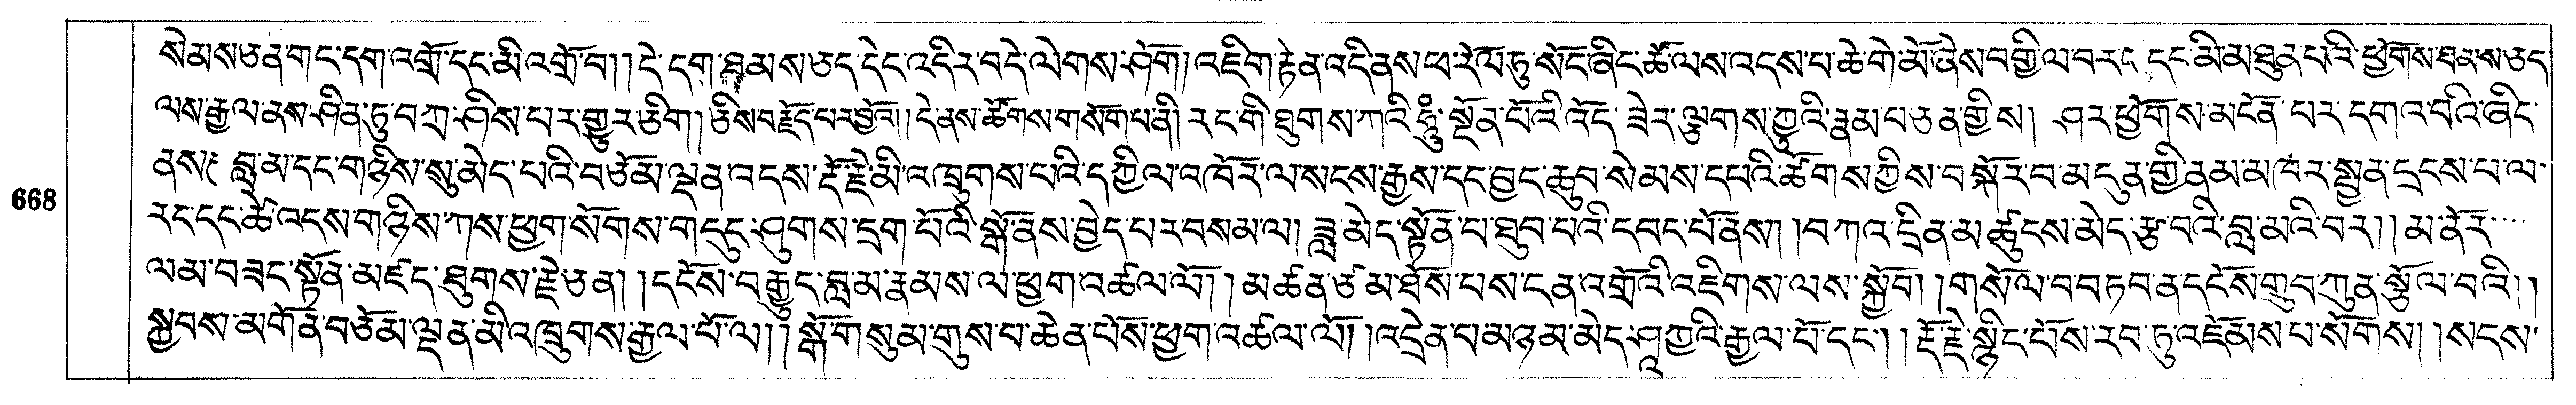སེམས་ཅན་གང་དག་འགྲོ་དང་མི་འགྲོ་བ། །དེ་དག་ཐམས་ཅད་དེང་འདིར་བདེ་ལེགས་ཤོག། འཇིག་རྟེན་འདི་ནས་ཕ་རོལ་ཏུ་སོང་ཞིང་ཚེ་ལས་འདས་པ་ཆེ་གེ་མོ་ཞེས་བགྱི་ལ་བར་དུ་དང་མི་མཐུན་པའི་ཕྱོགས་ཐམས་ཅད་
ལས་རྒྱལ་ནས་ཤིན་ཏུ་བཀྲ་ཤིས་པར་གྱུར་ཅིག །ཅིས་བརྗོད་པར་བྱའོ། །དེ་ནས་ཚོགས་གསོག་པ་ནི། རང་གི་ཐུགས་ཀའི་ཧཱུཾ་སྔོན་པོའི་འོད་ཟེར་ལྕགས་ཀྱུའི་རྣམ་པ་ཅན་གྱིས། ཤར་ཕྱོགས་མངོན་པར་དགའ་བའི་ཞིང་
ནས༑ བླ་མ་དང་གཉིས་སུ་མེད་པའི་བཅོམ་ལྡན་འདས་རྡོ་རྗེ་མི་འཁྲུགས་པའི་དཀྱིལ་འཁོར་ལ་སངས་རྒྱས་དང་བྱང་ཆུབ་སེམས་དཔའི་ཚོགས་ཀྱིས་བསྐོར་བ་མདུན་གྱི་ནམ་མཁར་སྤྱན་དྲངས་པ་ལ་
རང་དང་ཚེ་འདས་གཉིས་ཀས་ཕྱག་སོགས་གདུང་ཤུགས་དྲག་པོའི་སྒོ་ནས་བྱེད་པར་བསམ་ལ། ཟླ་མེད་སྟོན་པ་ཐུབ་པའི་དབང་པོ་ནས། །བཀའ་དྲིན་མཚུངས་མེད་རྩ་བའི་བླ་མའི་བར། །མ་ནོར་
ལམ་བཟང་སྟོན་མཛད་ཐུགས་རྗེ་ཅན། །དངོས་བརྒྱུད་བླ་མ་རྣམས་ལ་ཕྱག་འཚལ་ལོ། །མཚན་ཙམ་ཐོས་པས་ངན་འགྲོའི་འཇིགས་ལས་སྐྱོབ། །གསོལ་བ་བཏབ་ན་དངོས་གྲུབ་ཀུན་སྩོལ་བའི། །
སྐྱབས་མགོན་བཅོམ་ལྡན་མི་འཁྲུགས་རྒྱལ་པོ་ལ། །སྒོ་གསུམ་གུས་པ་ཆེན་པོས་ཕྱག་འཚལ་ལོ། །འདྲེན་པ་མཉམ་མེད་ཤཱཀྱའི་རྒྱལ་པོ་དང་། །རྡོ་རྗེ་སྙིང་པོས་རབ་ཏུ་འཇོམས་པ་སོགས། །སངས་